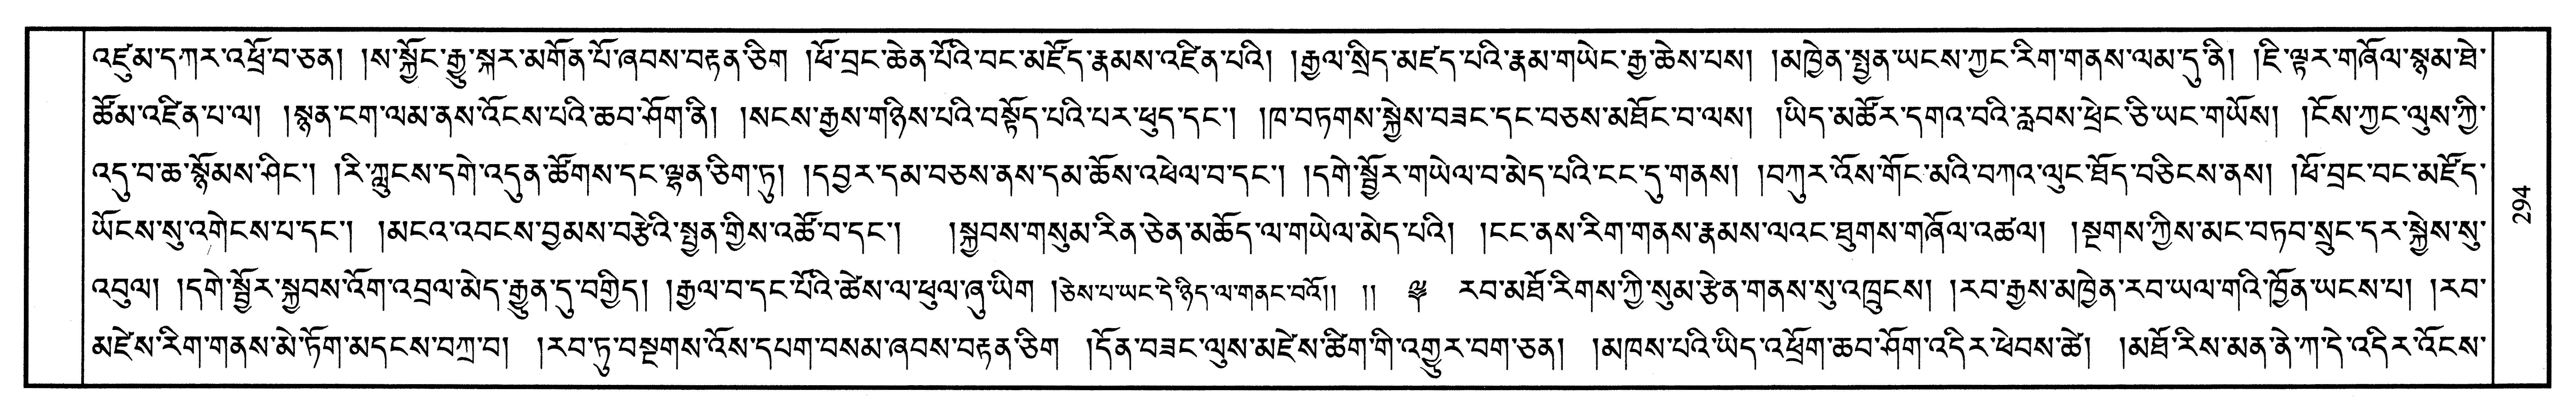འཛུམ་དཀར་འཕྲོ་བ་ཅན། །ས་སྐྱོང་རྒྱུ་སྐར་མགོན་པོ་ཞབས་བརྟན་ཅིག །ཕོ་བྲང་ཆེན་པོའི་བང་མཛོད་རྣམས་འཛིན་པའི། །རྒྱལ་སྲིད་མཛད་པའི་རྣམ་གཡེང་རྒྱ་ཆེས་པས། །མཁྱེན་སྤྱན་ཡངས་ཀྱང་རིག་གནས་ལམ་དུ་ནི། །ཇི་ལྟར་གཞོན་སྙམ་ཐེ་
ཚོམ་འཛིན་པ་ལ། །སྙན་ངག་ལམ་ནས་འོངས་པའི་ཆབ་ཤོག་ནི། །སངས་རྒྱས་གཉིས་པའི་བསྟོད་པའི་པར་ཕུད་དང་། །ཁ་བཏགས་སྐྱེས་བཟང་དང་བཅས་མཐོང་བ་ལས། །ཡིད་མཚོར་དགའ་བའི་རླབས་ཕྲེང་ཅི་ཡང་གཡོས། །ངོས་ཀྱང་ལུས་ཀྱི་
འདུ་བ་ཆ་སྙོམས་ཤིང་། །རི་ཀླུངས་དགེ་འདུན་ཚོགས་དང་ལྷན་ཅིག་ཏུ། །དབྱར་དམ་བཅས་ནས་དམ་ཆོས་འཕེལ་བ་དང་། །དགེ་སྦྱོར་གཡེལ་བ་མེད་པའི་ངང་དུ་གནས། །བཀུར་འོས་གོང་མའི་བཀའ་ལུང་ཐོད་བཅིངས་ནས། །ཕོ་བྲང་བང་མཛོད་
ཡོངས་སུ་འགེངས་པ་དང་། །མངའ་འབངས་བྱམས་བརྩེའི་སྤྱན་གྱིས་འཚོ་བ་དང་། །སྐྱབས་གསུམ་རིན་ཅེན་མཆོད་ལ་གཡེལ་མེད་པའི། །ངང་ནས་རིགས་རྣམས་ལའང་ཐུགས་གཞོལ་འཚལ། །སྔགས་ཀྱིས་མང་བཏབ་སྲུང་དར་སྐྱེས་སུ་
འབུལ། །དགེ་སྦྱོར་སྐྱབས་འོག་འབྲལ་མེད་རྒྱུན་དུ་བགྱིད། །རྒྱལ་བ་དང་པོའི་ཚེས་ལ་ཕུལ་ཞུ་ཡིག །ཅེས་པ་ཡང་དེ་ཉིད་ལ་གནང་བའོ།། །། ༈ རབ་མཐོ་རིགས་ཀྱི་སུམ་རྩེན་གནས་སུ་འཁྲུངས། །རབ་རྒྱས་མཁྱེན་རབ་ཡལ་གའི་ཁྱོན་ཡངས་པ། །རབ་
མཛེས་རིག་གནས་མེ་ཏོག་མདངས་བཀྲ་བ། །རབ་ཏུ་བསྔགས་འོས་དཔག་བསམ་ཞབས་བརྟན་ཅིག །དོན་བཟང་ལུས་མཛེས་ཚིག་གི་འགྱུར་བག་ཅན། །མཁས་པའི་ཡིད་འཕྲོག་ཆབ་ཤོག་འདིར་ཕེབས་ཚེ། །མཐོ་རིས་མན་ནེ་ཀ་དེ་འདིར་འོངས་